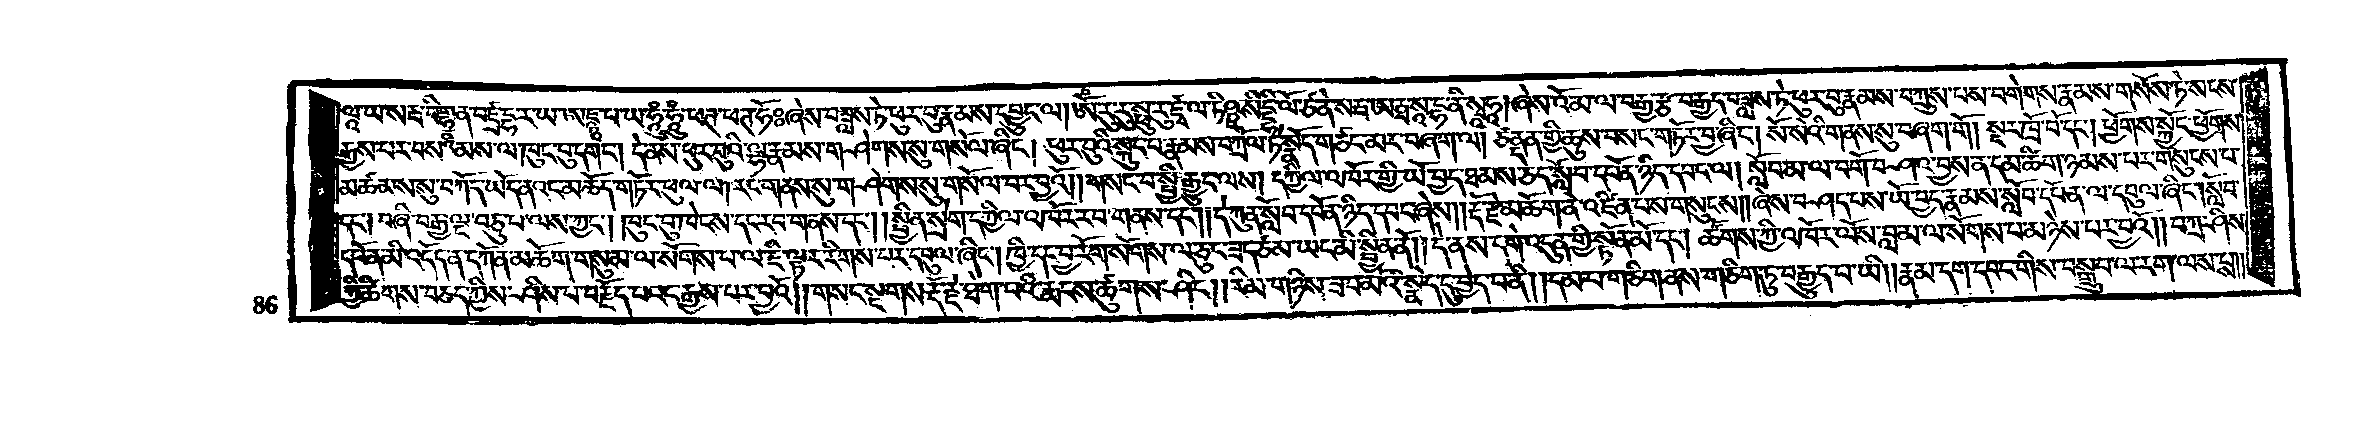ལཱ་ཡ་སརྦ་བིགྷྣྣ་བྫྲ་དྷ་ར་ཡ་ཨཛྙཱ་པ་ཡ་ཧཱུཾ་ཧཱུཾ་ཕཊ་ཕཊ་ཧོཿ ཞེས་བཟླས་ཏེ་ཕུར་བུ་རྣམས་དབྱུང་ལ། ཨོཾ་རུ་རུ་སྥུ་རུ་ཛྭ་ལ་ཏིཥཊཿཨ་སིངྡྷི་ལོ་ཙ་ནེ་སརྦ་ཨརྠ་སཱ་དྷ་ནི་སྭཱ་ཧཱ། ཞེས་འོ་མ་ལ་བརྒྱ་རྩ་བརྒྱད་བཟླས་ཏེ་ཕུར་བུ་རྣམས་བཀྲུས་པས་བགེགས་རྣམས་གསོས་ཏེ་སངས་
རྒྱས་པར་བསམས་ལ་ཁུང་བུ་དགང་། དེ་ནས་ཕུར་བུའི་ལྷ་རྣམས་གཤེགས་སུ་གསོལ་ཞིང་། ཕུར་བུའི་སྐུད་པ་རྣམས་བཀྲོལ་ཏེ་སྣོད་གཙང་མར་བཞག་ལ། ཙནདན་གྱི་ཆུས་བསང་གཏོར་བྱ་ཞིང་། སོ་སོའི་གནས་སུ་བཞག་གོ །སྔར་ཁྲོ་བོ་དང་། ཕྱོགས་སྐྱོང་ཕྱོགས་
མཚམས་སུ་བཀོད་ཡོད་ནའང་མཆོད་གཏོར་ཕུལ་ལ། རང་གནས་སུ་གཤེགས་སུ་གསོལ་བར་བྱའོ། །གསང་བ་སྤྱི་རྒྱུད་ལས། དཀྱིལ་འཁོར་གྱི་ཡོ་བྱད་ཐམས་ཅད་སློབ་དཔོན་ཉིད་དབང་ལ། སློབ་མ་ལ་བགོ་བཤའ་བྱས་ན་དམ་ཚིག་ཉམས་པར་གསུངས་པ་
དང་། བཞི་བརྒྱ་ལྔ་བཅུ་པ་ལས་ཀྱང་། ཁུང་བུ་ཁེངས་དང་རབ་གནས་དང་། །སྦྱིན་སྲེག་དཀྱིལ་འཁོར་རབ་གནས་དང་། །དེ་ཀུན་སློབ་དཔོན་ཉིད་དབང་ཞེས། །རྡོ་རྗེ་མཆོག་ནི་འཛིན་པས་གསུངས། །ཞེས་བཤད་པས་ཡོ་བྱད་རྣམས་སློབ་དཔོན་ལ་དབུལ་ཞིང་། སློབ་
དཔོན་མི་འདོད་ན་དཀོན་མཆོག་གསུམ་ལ་སོགས་པ་ལ་ཇི་ལྟར་རིགས་པར་དབུལ་ཞིང་། ཁྱི་དང་བྱ་རོག་སོགས་ལ་ཅུང་ཟད་ཙམ་ཡང་མི་སྦྱིན་ནོ། །དེ་ནས་དགེ་འདུན་གྱི་སྟོན་མོ་དང་། ཚོགས་ཀྱི་འཁོར་ལོས་བླ་མ་ལ་སོགས་པ་མཉེས་པར་བྱའོ། །བཀྲ་ཤིས་
ཀྱི་ཚིགས་བཅད་ཀྱིས་ཤིས་པ་བརྗོད་པའང་རྒྱས་པར་བྱའོ། །གསང་སྔགས་རྡོ་རྗེ་ཐེག་པའི་རྨངས་ཚུགས་ཤིང་། །རིམ་གཉིས་ཟབ་མོའི་སྣེད་དུ་བྱེད་པ་ནི། །དམ་པ་གཅིག་ནས་གཅིག་ཏུ་བརྒྱུད་པ་ཡི། །རྣམ་དག་དབང་གིས་བསྒྲུབ་ལ་རག་ལས་པས། །